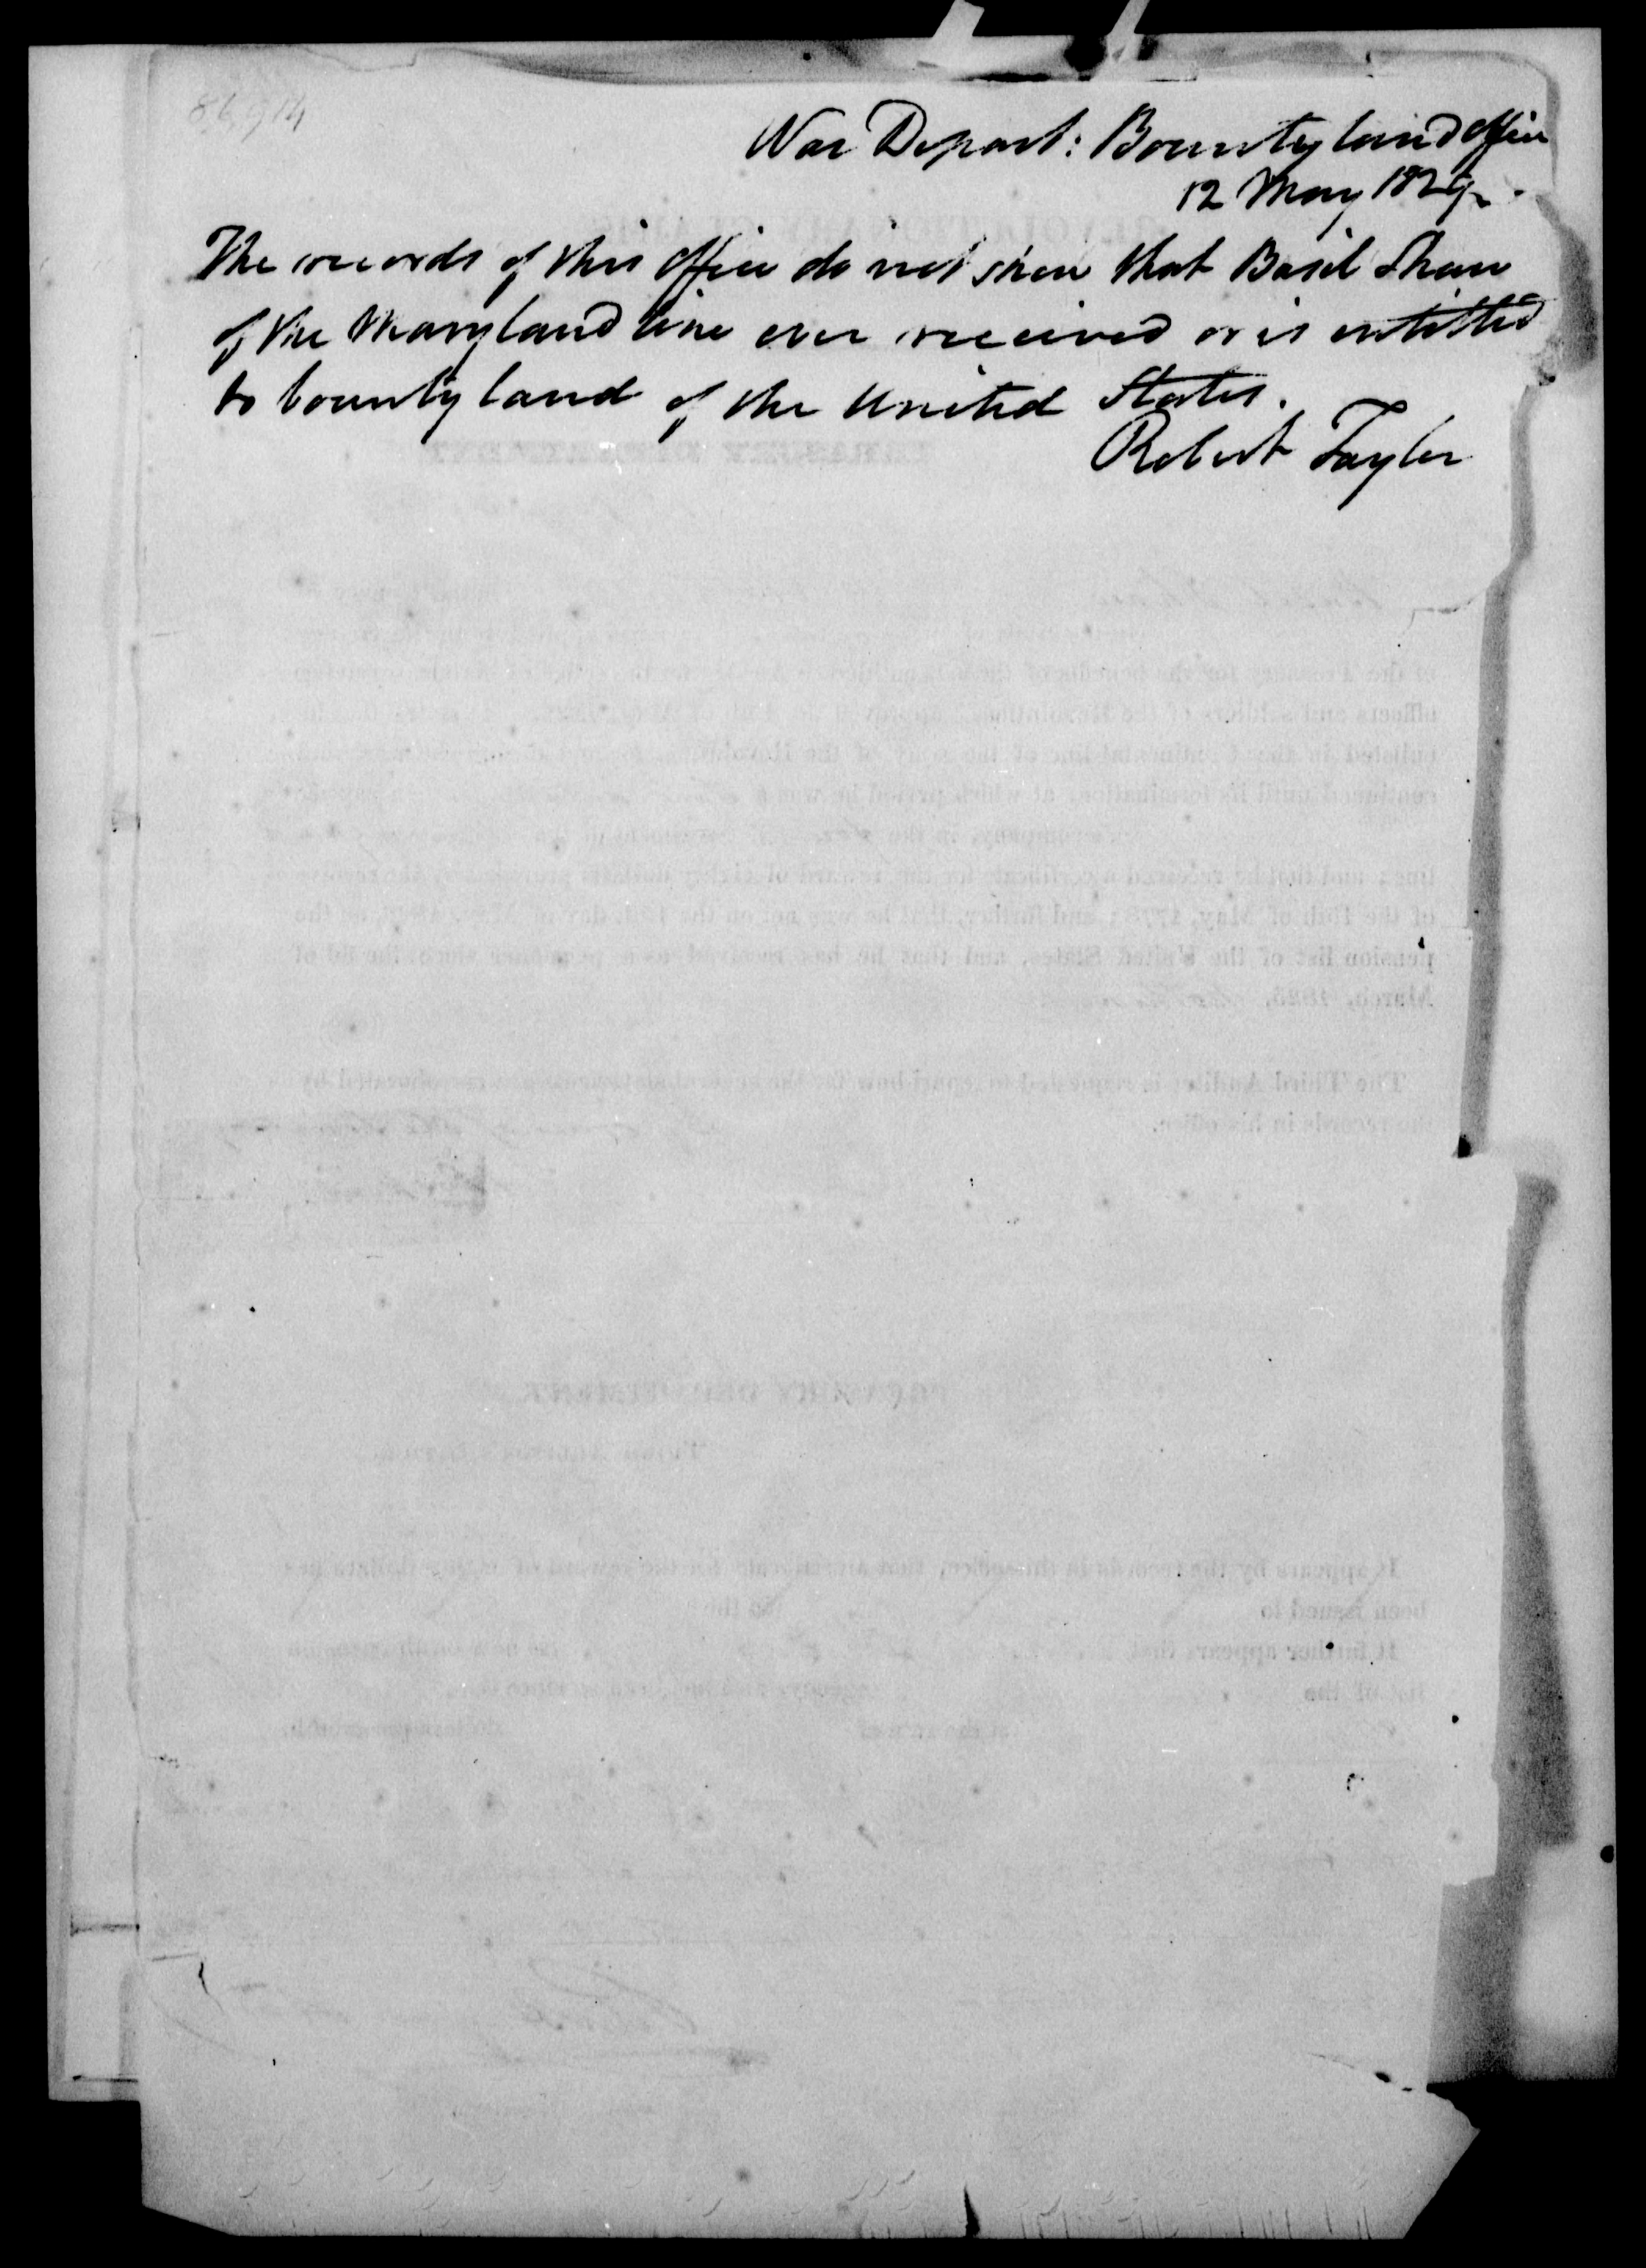War Depart: Bounty Land Office
12 May 1829
The records of this office do not show that Basil Shaw
of the Maryland line ever received or is entitled
to bounty land of the United States.
Robert Taylor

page: 26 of 32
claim: survivor's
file: S. 16,526, for Basil Shaw, Maryland